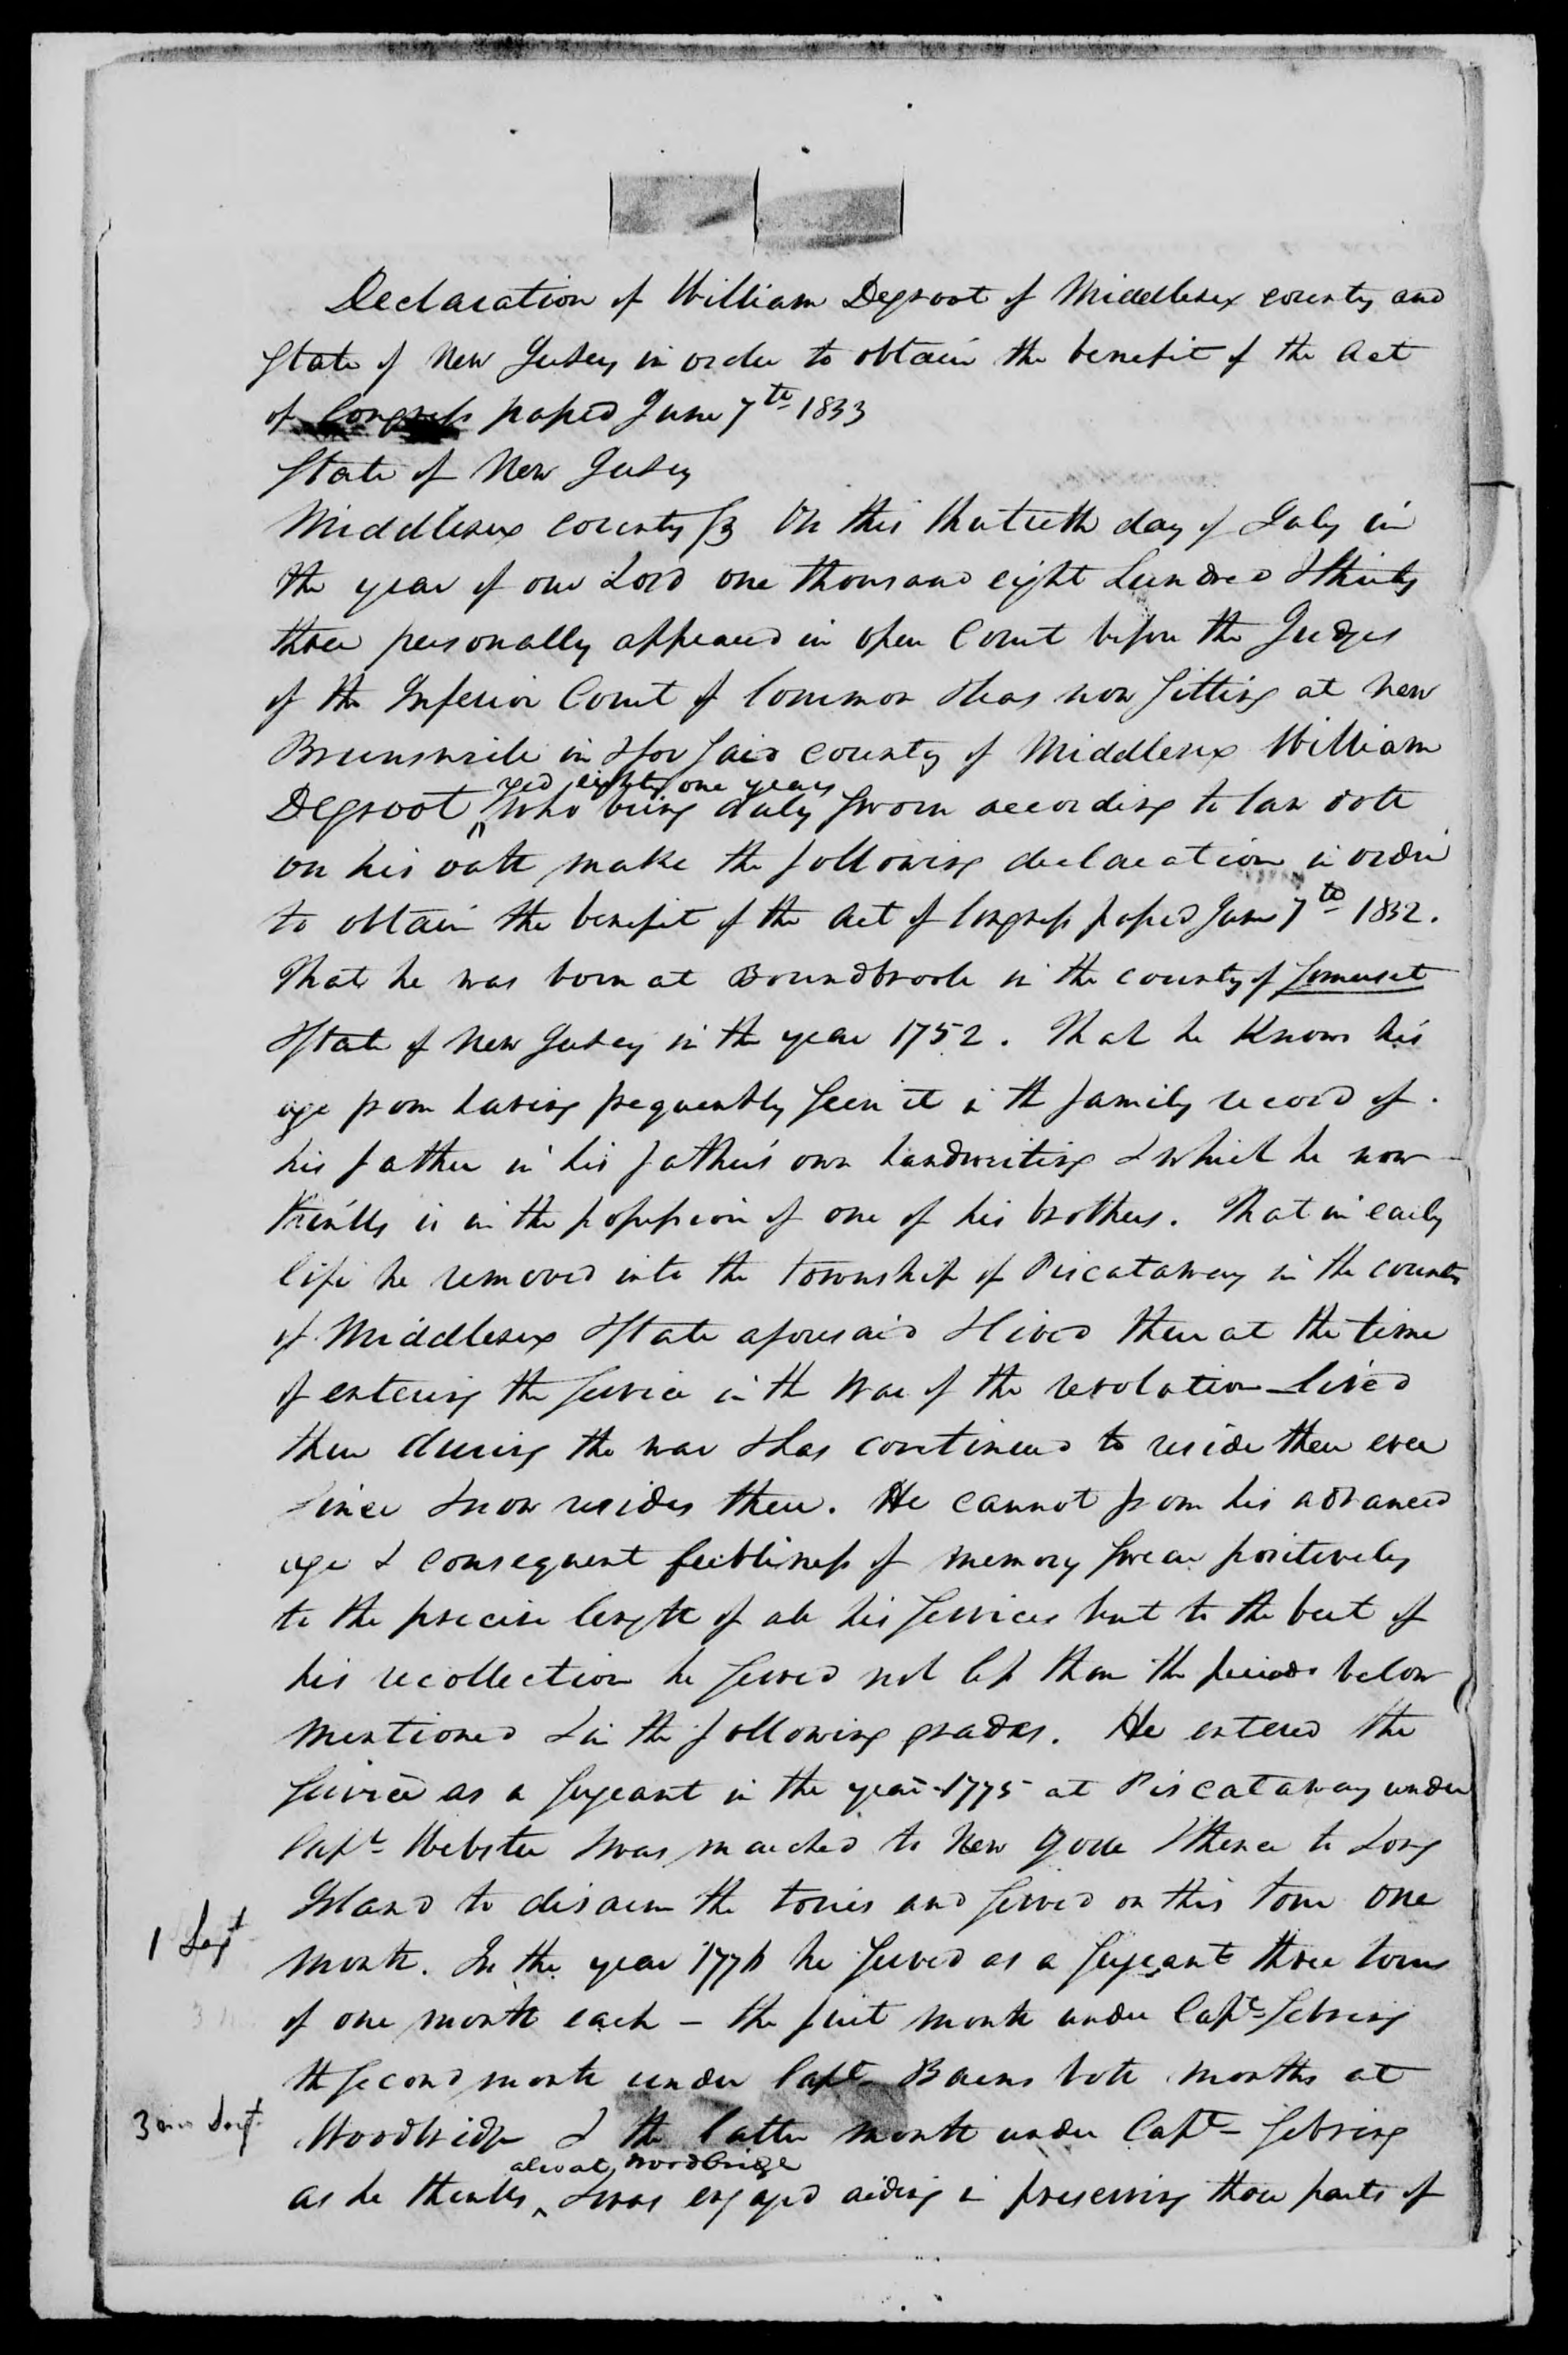Declaration of Willian Degroot of Middlesex County and State of New Jersey in order to obtain the benefit of the act of Congress dated June 7, 1833
State of New Jersey, Middlesex County Ss
On this thirtieth day of July in the year of our Lord one thousand eight hundred thirty three personally appeared in open court before the Judge of the Inferior Court of Common Pleas now sitting at New Brunswick in + for said county of Middlesex William Degroot aged eighty one years who being duly sworn according to law doth on his oath make the following declaration in order to obtain the benefit of the act of Congress passed June 7th 1832.
That he was born at Boundbrook in the county of Somerset State of New Jersey in the year 1752. That he knows his age from having frequently seen it in the family record of his father in his father's own handwriting + which he now thinks is in the possession of one of his brothers. That in early life he removed into the township of Piscataway in the county of Middlesex and state aforesaid + lived there at the time of entering the service in the war of the revolution + lived then during the war + has continued to reside there ever since + now resides their. He cannot from his advanced age + consequent feebleness of memory swear positively to the precise length of all his services but to the best of his recollection he served not less than the periods below mentioned + in the following grades. He entered the service as a sergeant in the year 1775 at Piscataway under Cat Webster + was marched to New York thence to Long Island to disarm the tories and served on this tour one month. In the year 1776 he served as a sergeant three tours of one month each - the first month under Capt Sebring the second month under Capt Barns both months at Woodbridge + the latter month under Capt Sebring as he thinks [illeg] at Woodbridge + was engaged aiding + preserving those parts of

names: William Degroot, Sebring, Webster, William Degroot, Sebring, Barns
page: 5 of 77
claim: widow's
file: W. 417, William De Groot, New Jersey